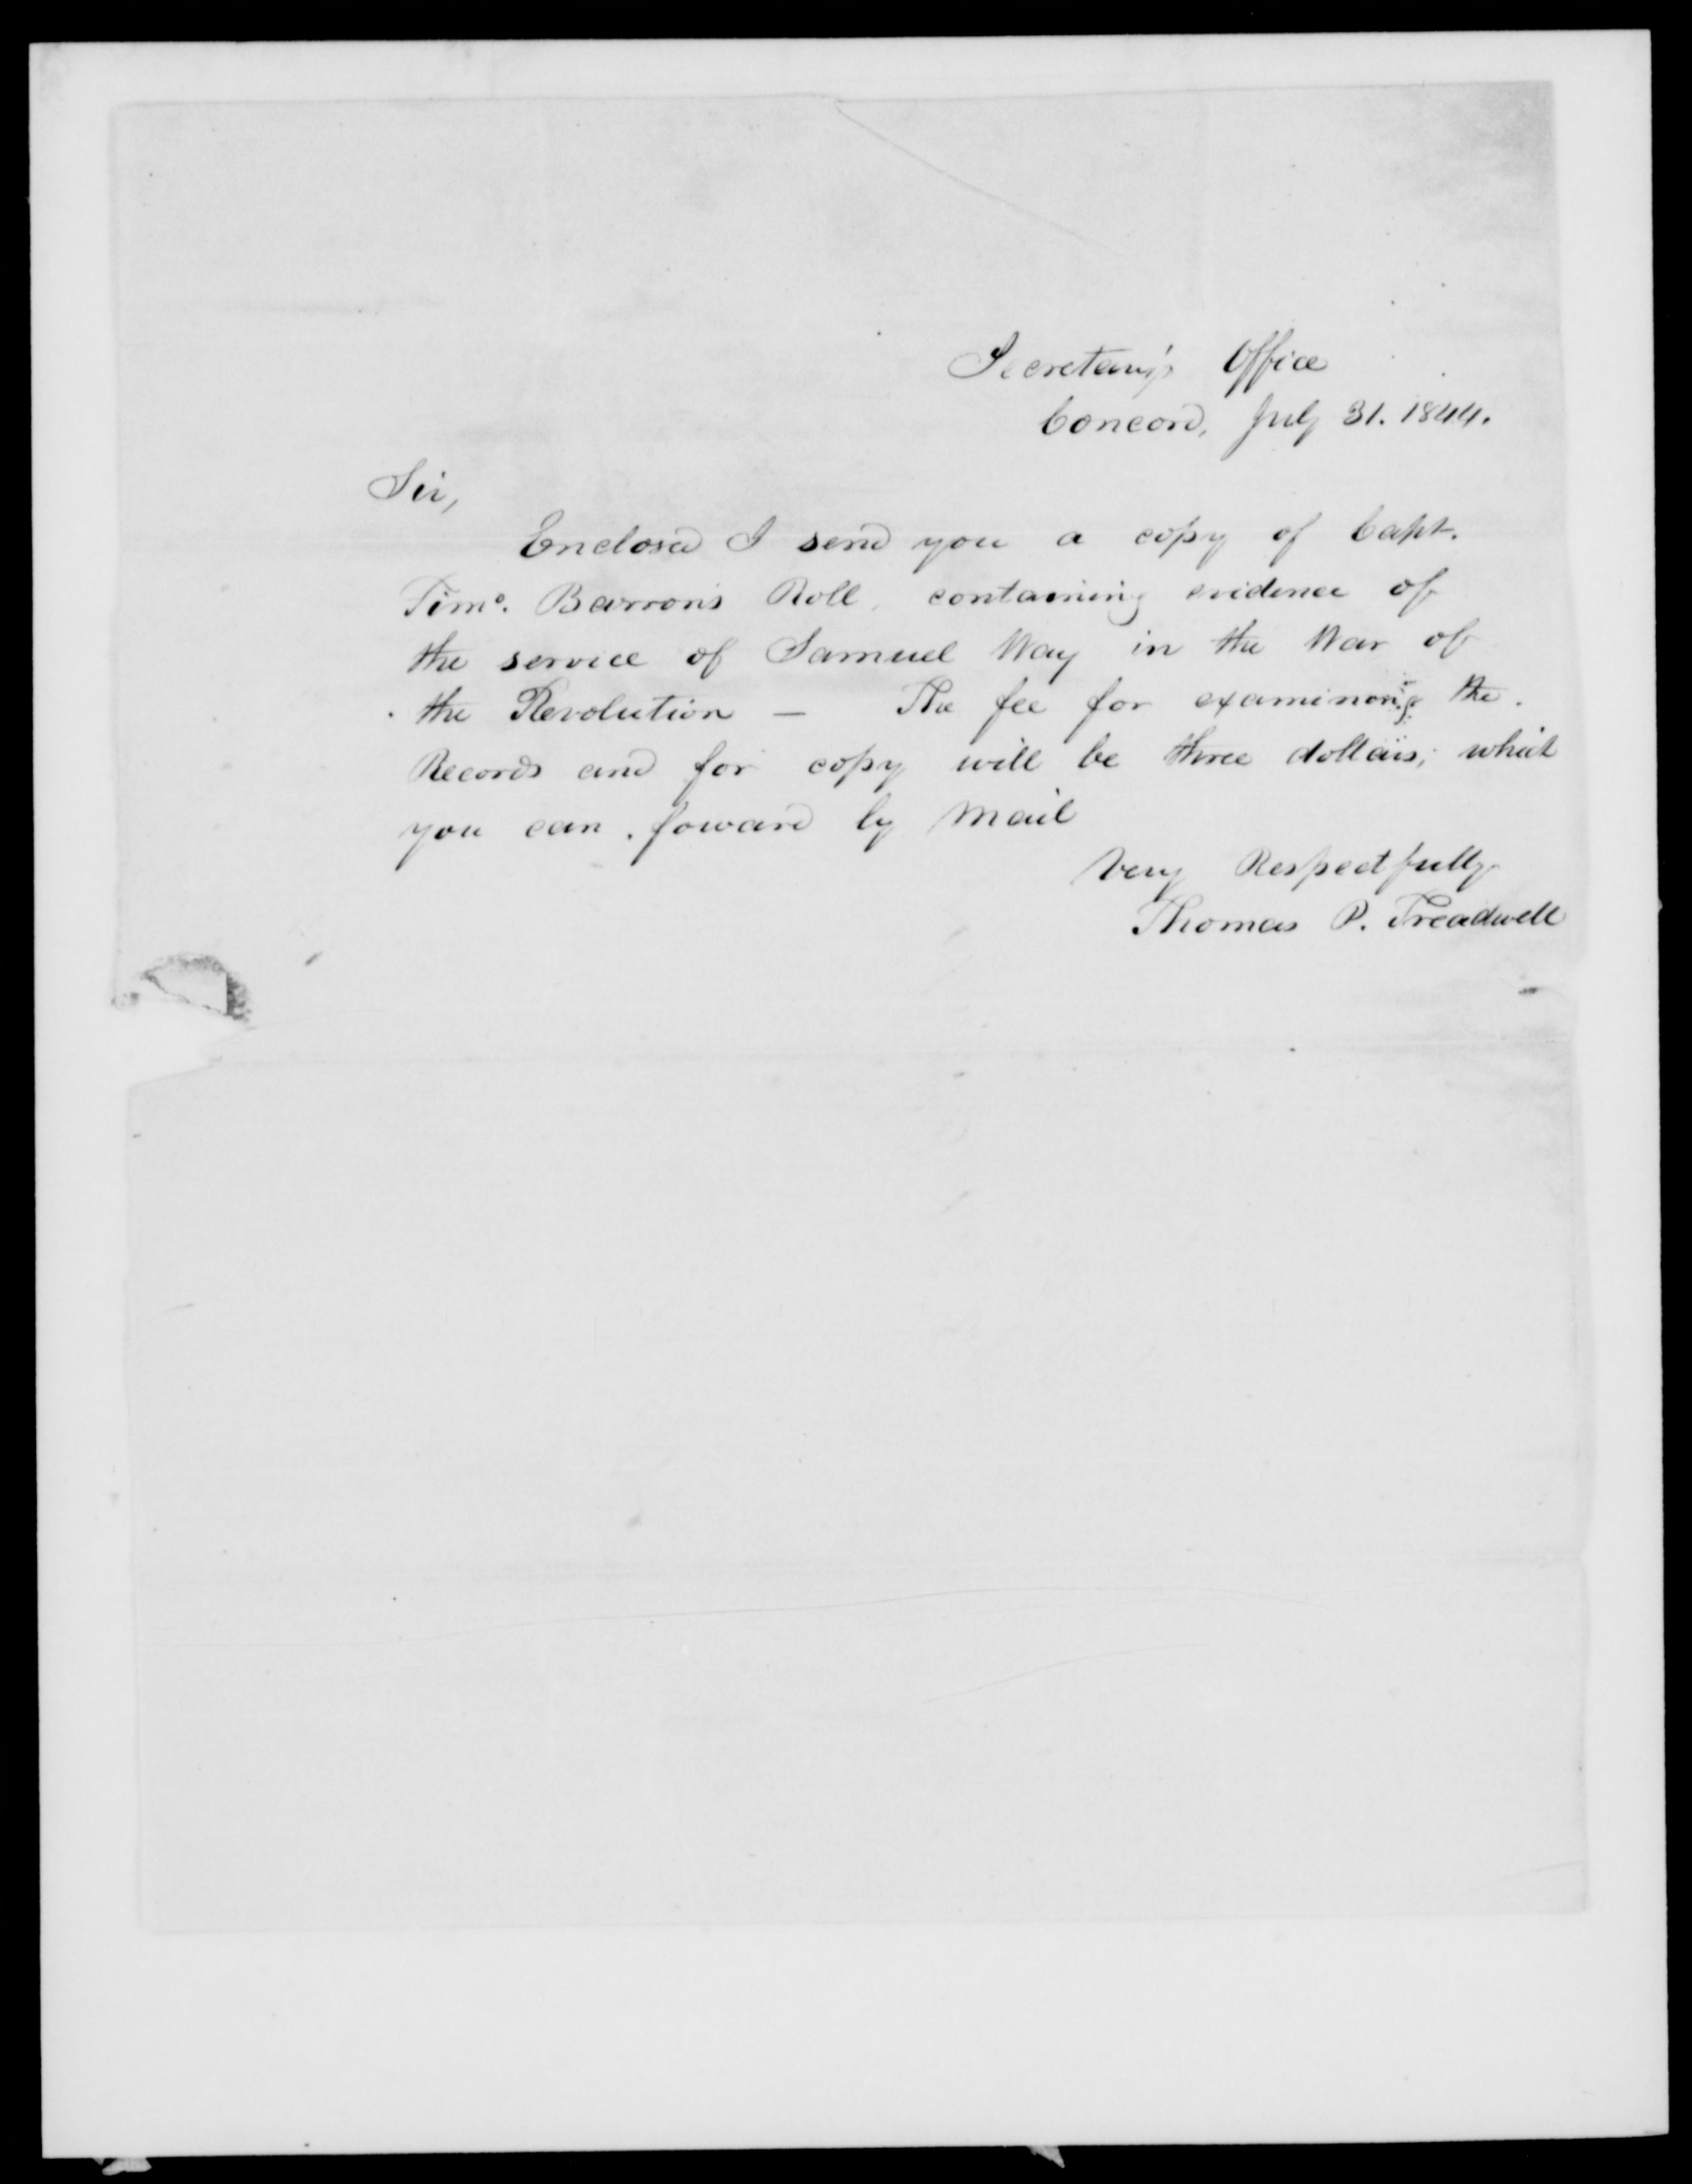Secretary's Office
Concord, July 31, 1844.
Sir,
Enclosed I send you a copy of Capt.
Timo Barrons' Roll, containing evidence of
the service of Samuel Way in the War of
the Revolution - the
fee for examining the
Records and for copy will be three dollars; which
you can forward by Mail
Very Respectfully
Thomas P. Treadwell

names: Timo Barron, Thomas P Treadwell, Samuel Way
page: 28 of 78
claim: widow's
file: W. 25856, Samuel Way, N.H.